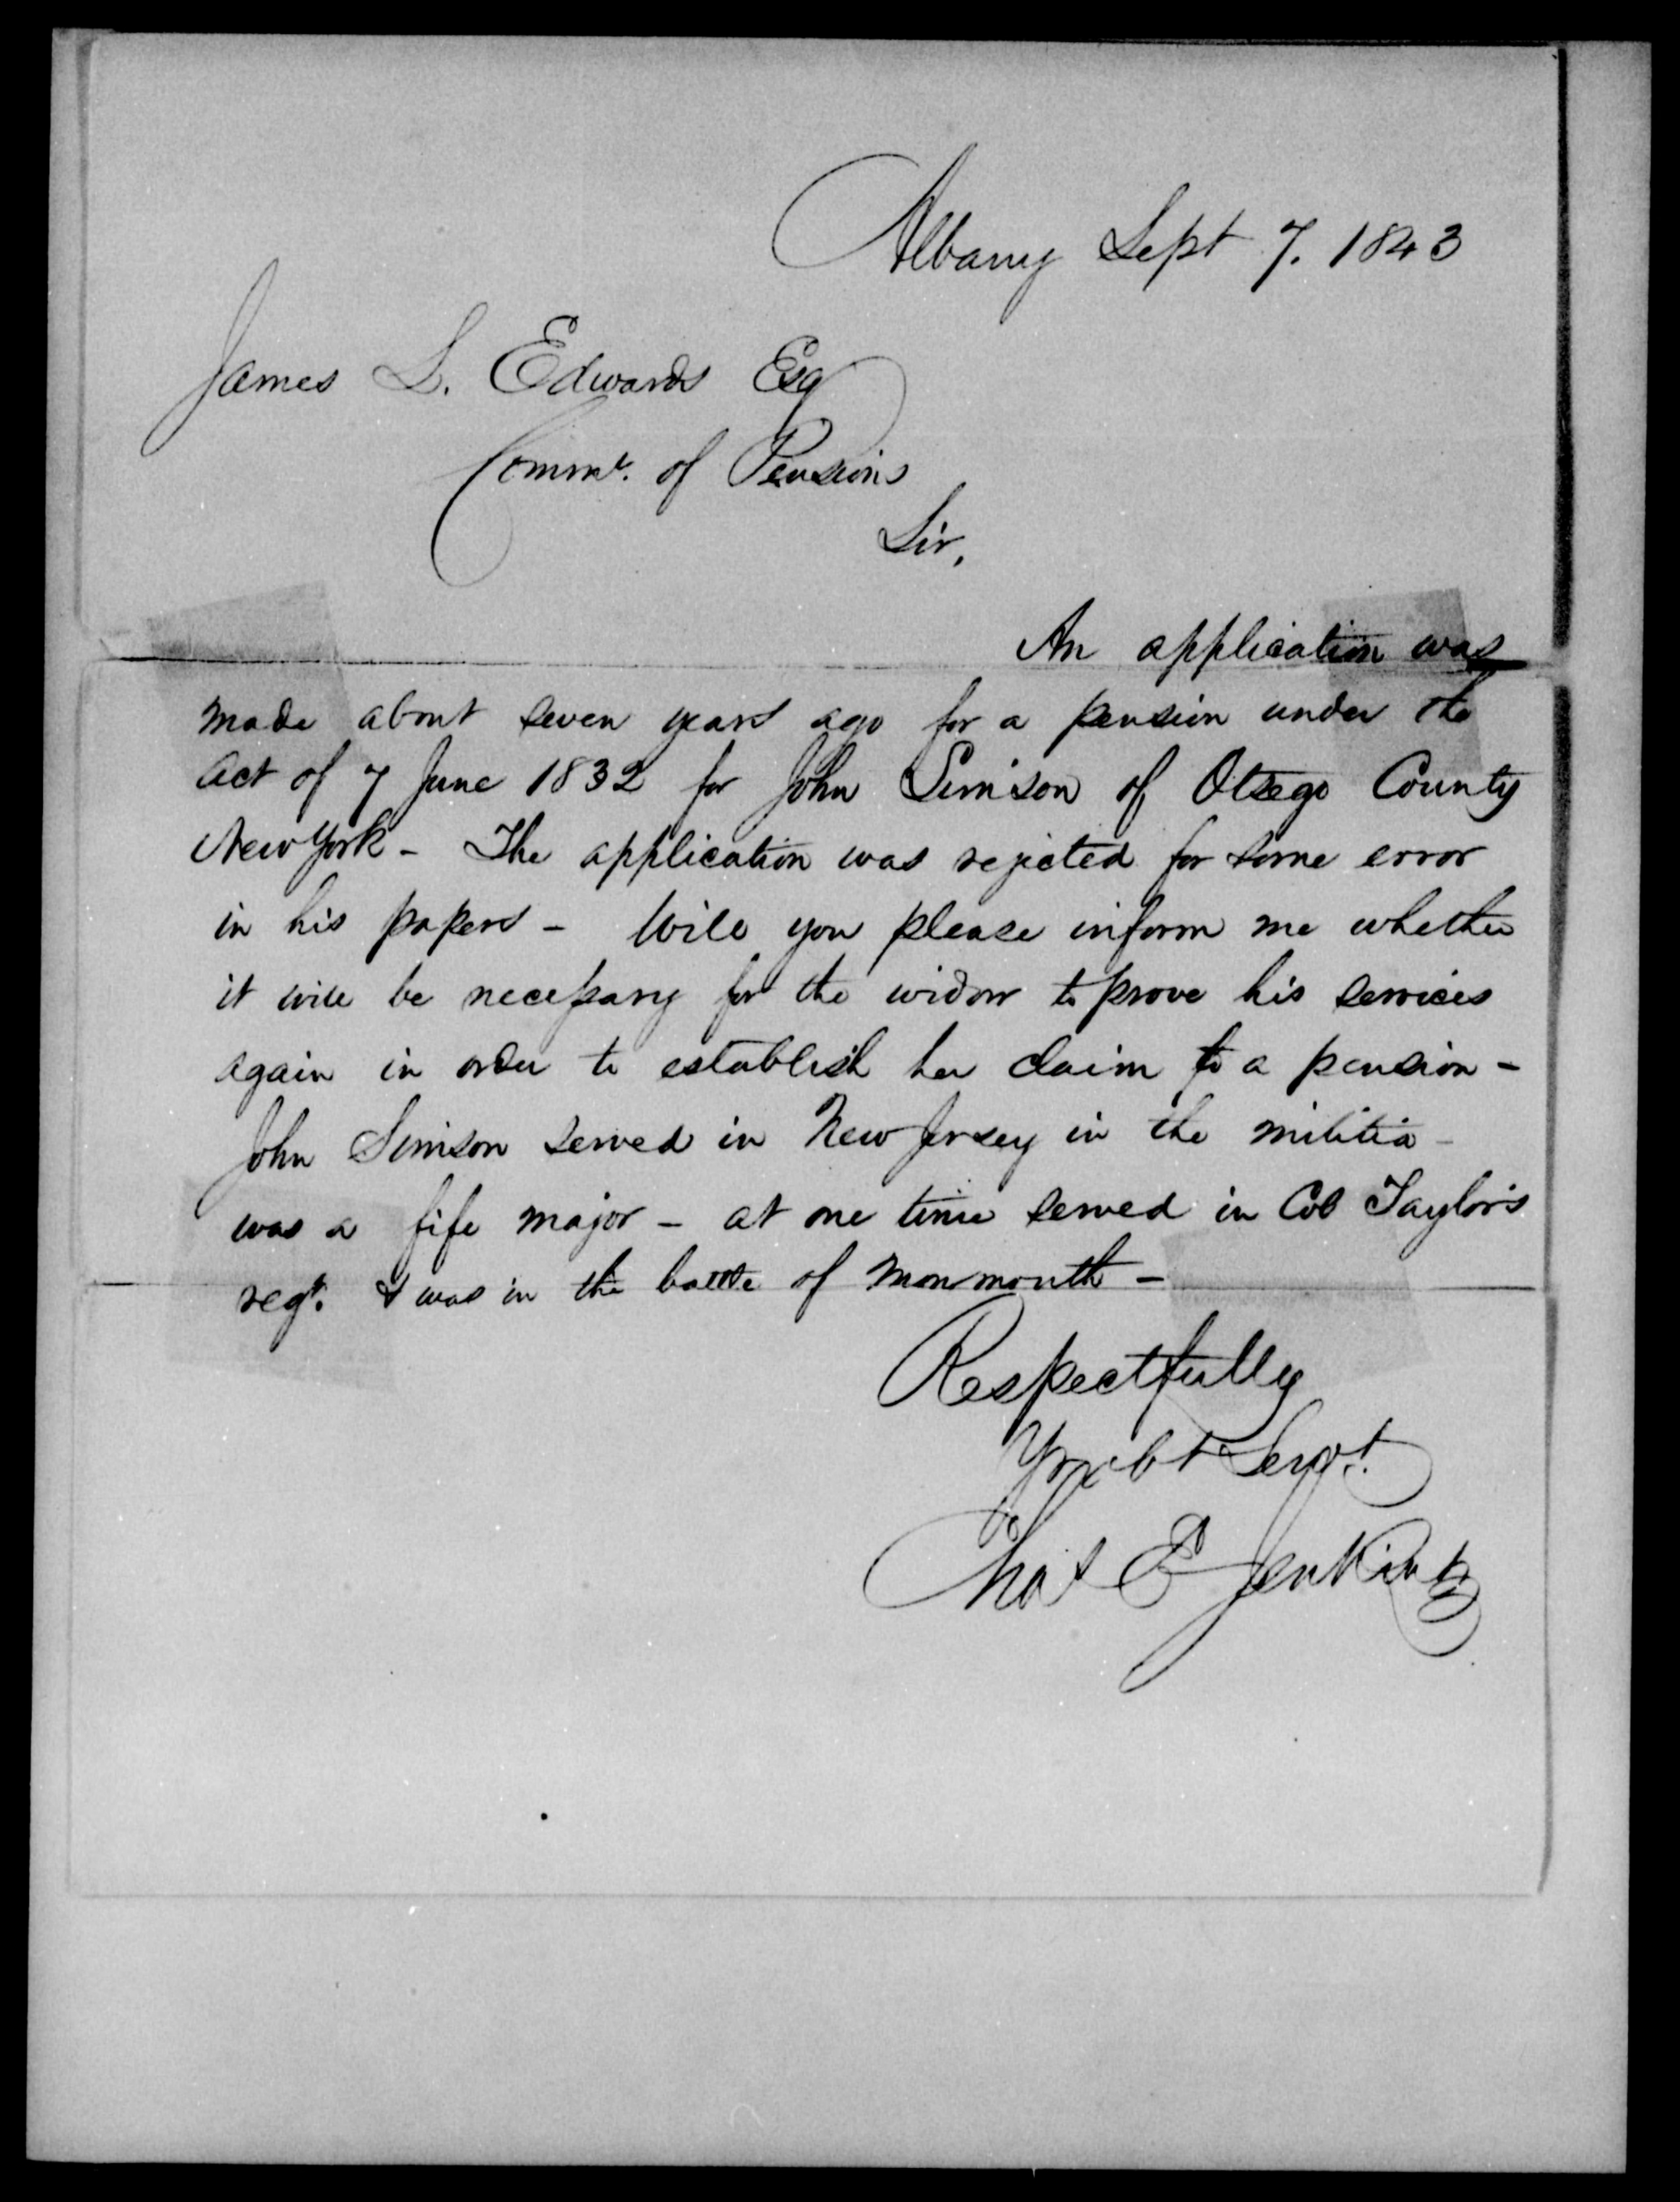Albany Sept. 7, 1848
James S. Edwards Esq
Comm. of Pensions
Sir,
An application was made about seven years ago for a pension under the Act of 7 June 1832 for John Simson of Otsego County New York-The application was rejected for some error in his papers-Will you please inform me whether it will be necessary for the widow to prove his service again in order to establish her claim of a pension-John Simson served in New Jersey in the militia -was a fife major-at one time served in Col Taylor's regt.  & was in the battle of Monmouth.
Respectfully your out serv.  Chas E Jenkins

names: John Simson; John Simson; James L Edwards; Chas E Jenkins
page: 19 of 35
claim: rejected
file: R. 9601, for John Simson, New Jersey